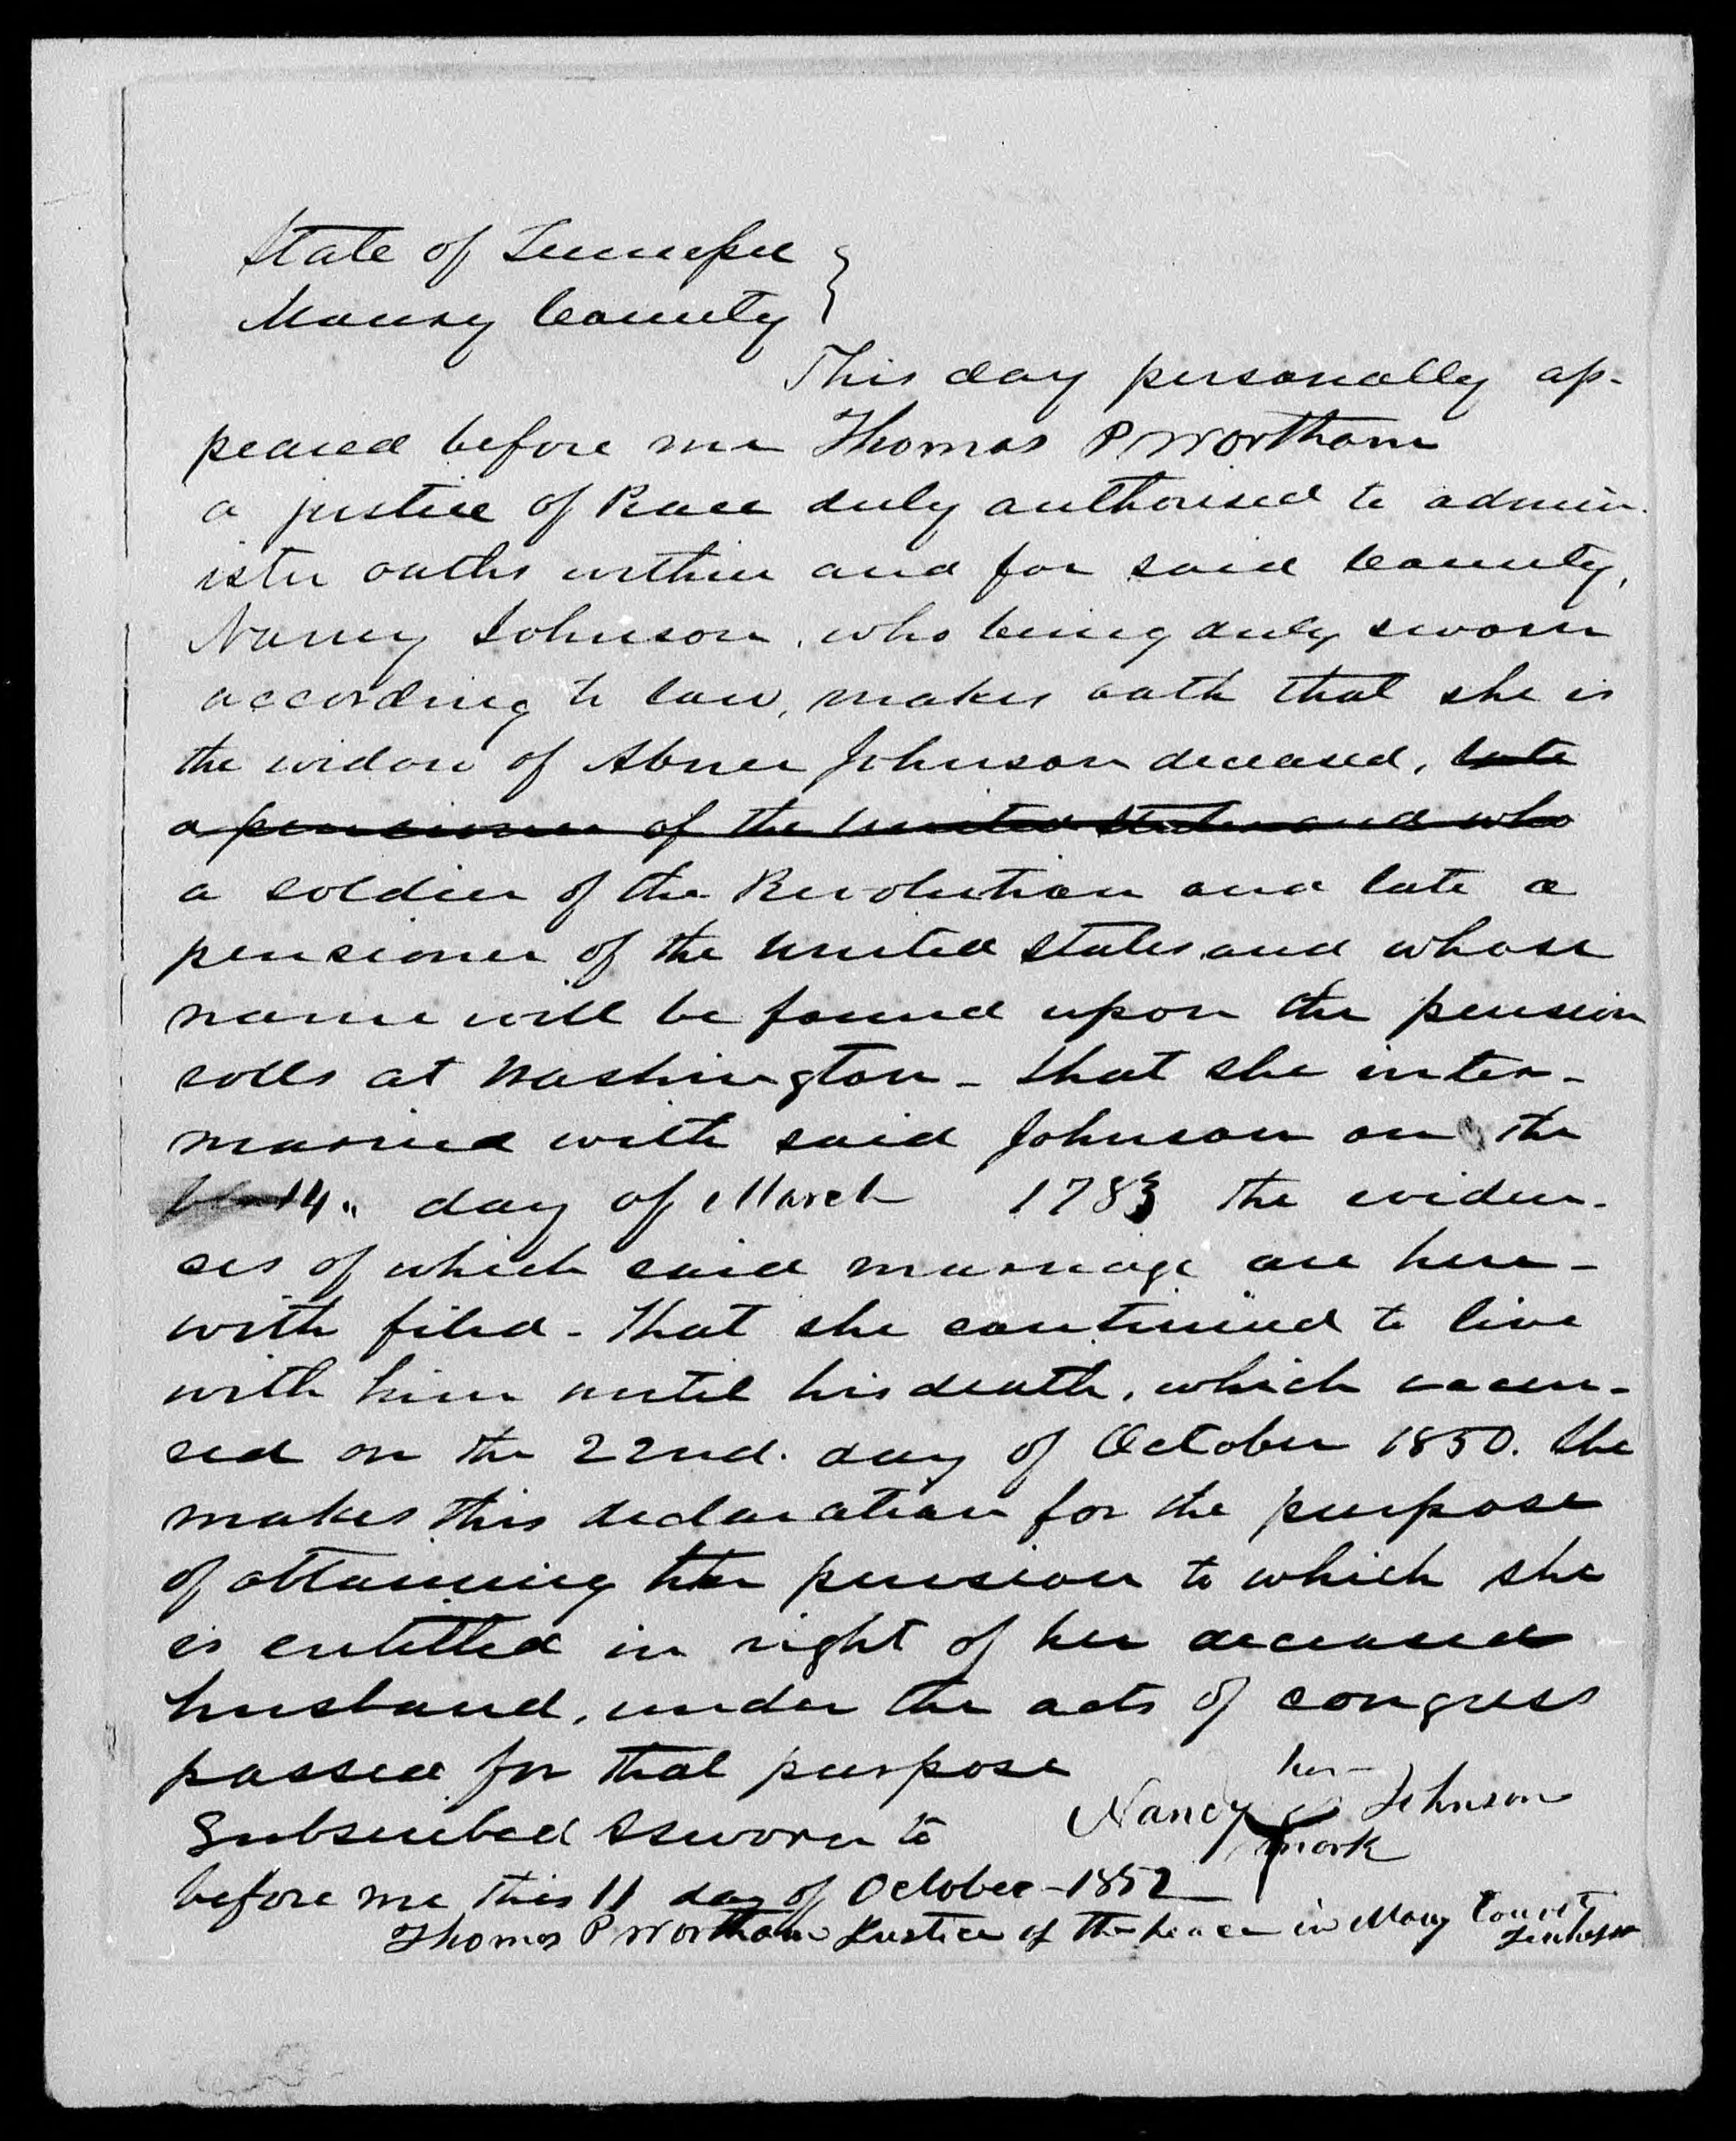State of Tennessee 
Maury County
     This day personally appeared before me Thomas P Wortham a justice of Peace duly authorised to administer oaths within and for said county, Nancy Johnson, who being duly sworn according to law, under oath that she is the widow of Abner Johnson deceased, a soldier of the Revolution and late a pensioner of the United States and whose name will be found upon the pension rolls at Washington - that she inter-married with said Johnson on the 14  day of March 1783 the evidence of which said marriage are herewith filed - that she continued to live with him until his death, which happened on the 22nd day of October 1850. The makes this declaration for the purpose of obtaining the pension to which she is entitled in right of her deceased husband, under the act of congress passed for that purpose.
             Nancy X Johnson
              (X her mark)
-
Subscribed & sworn to before me this 11 day of October 1852
Thomas P Wortham Justice of the peace in Maury County Tennessee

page: 5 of 27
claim: rejected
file: R. 5649, for Abner Johnson, North Carolina